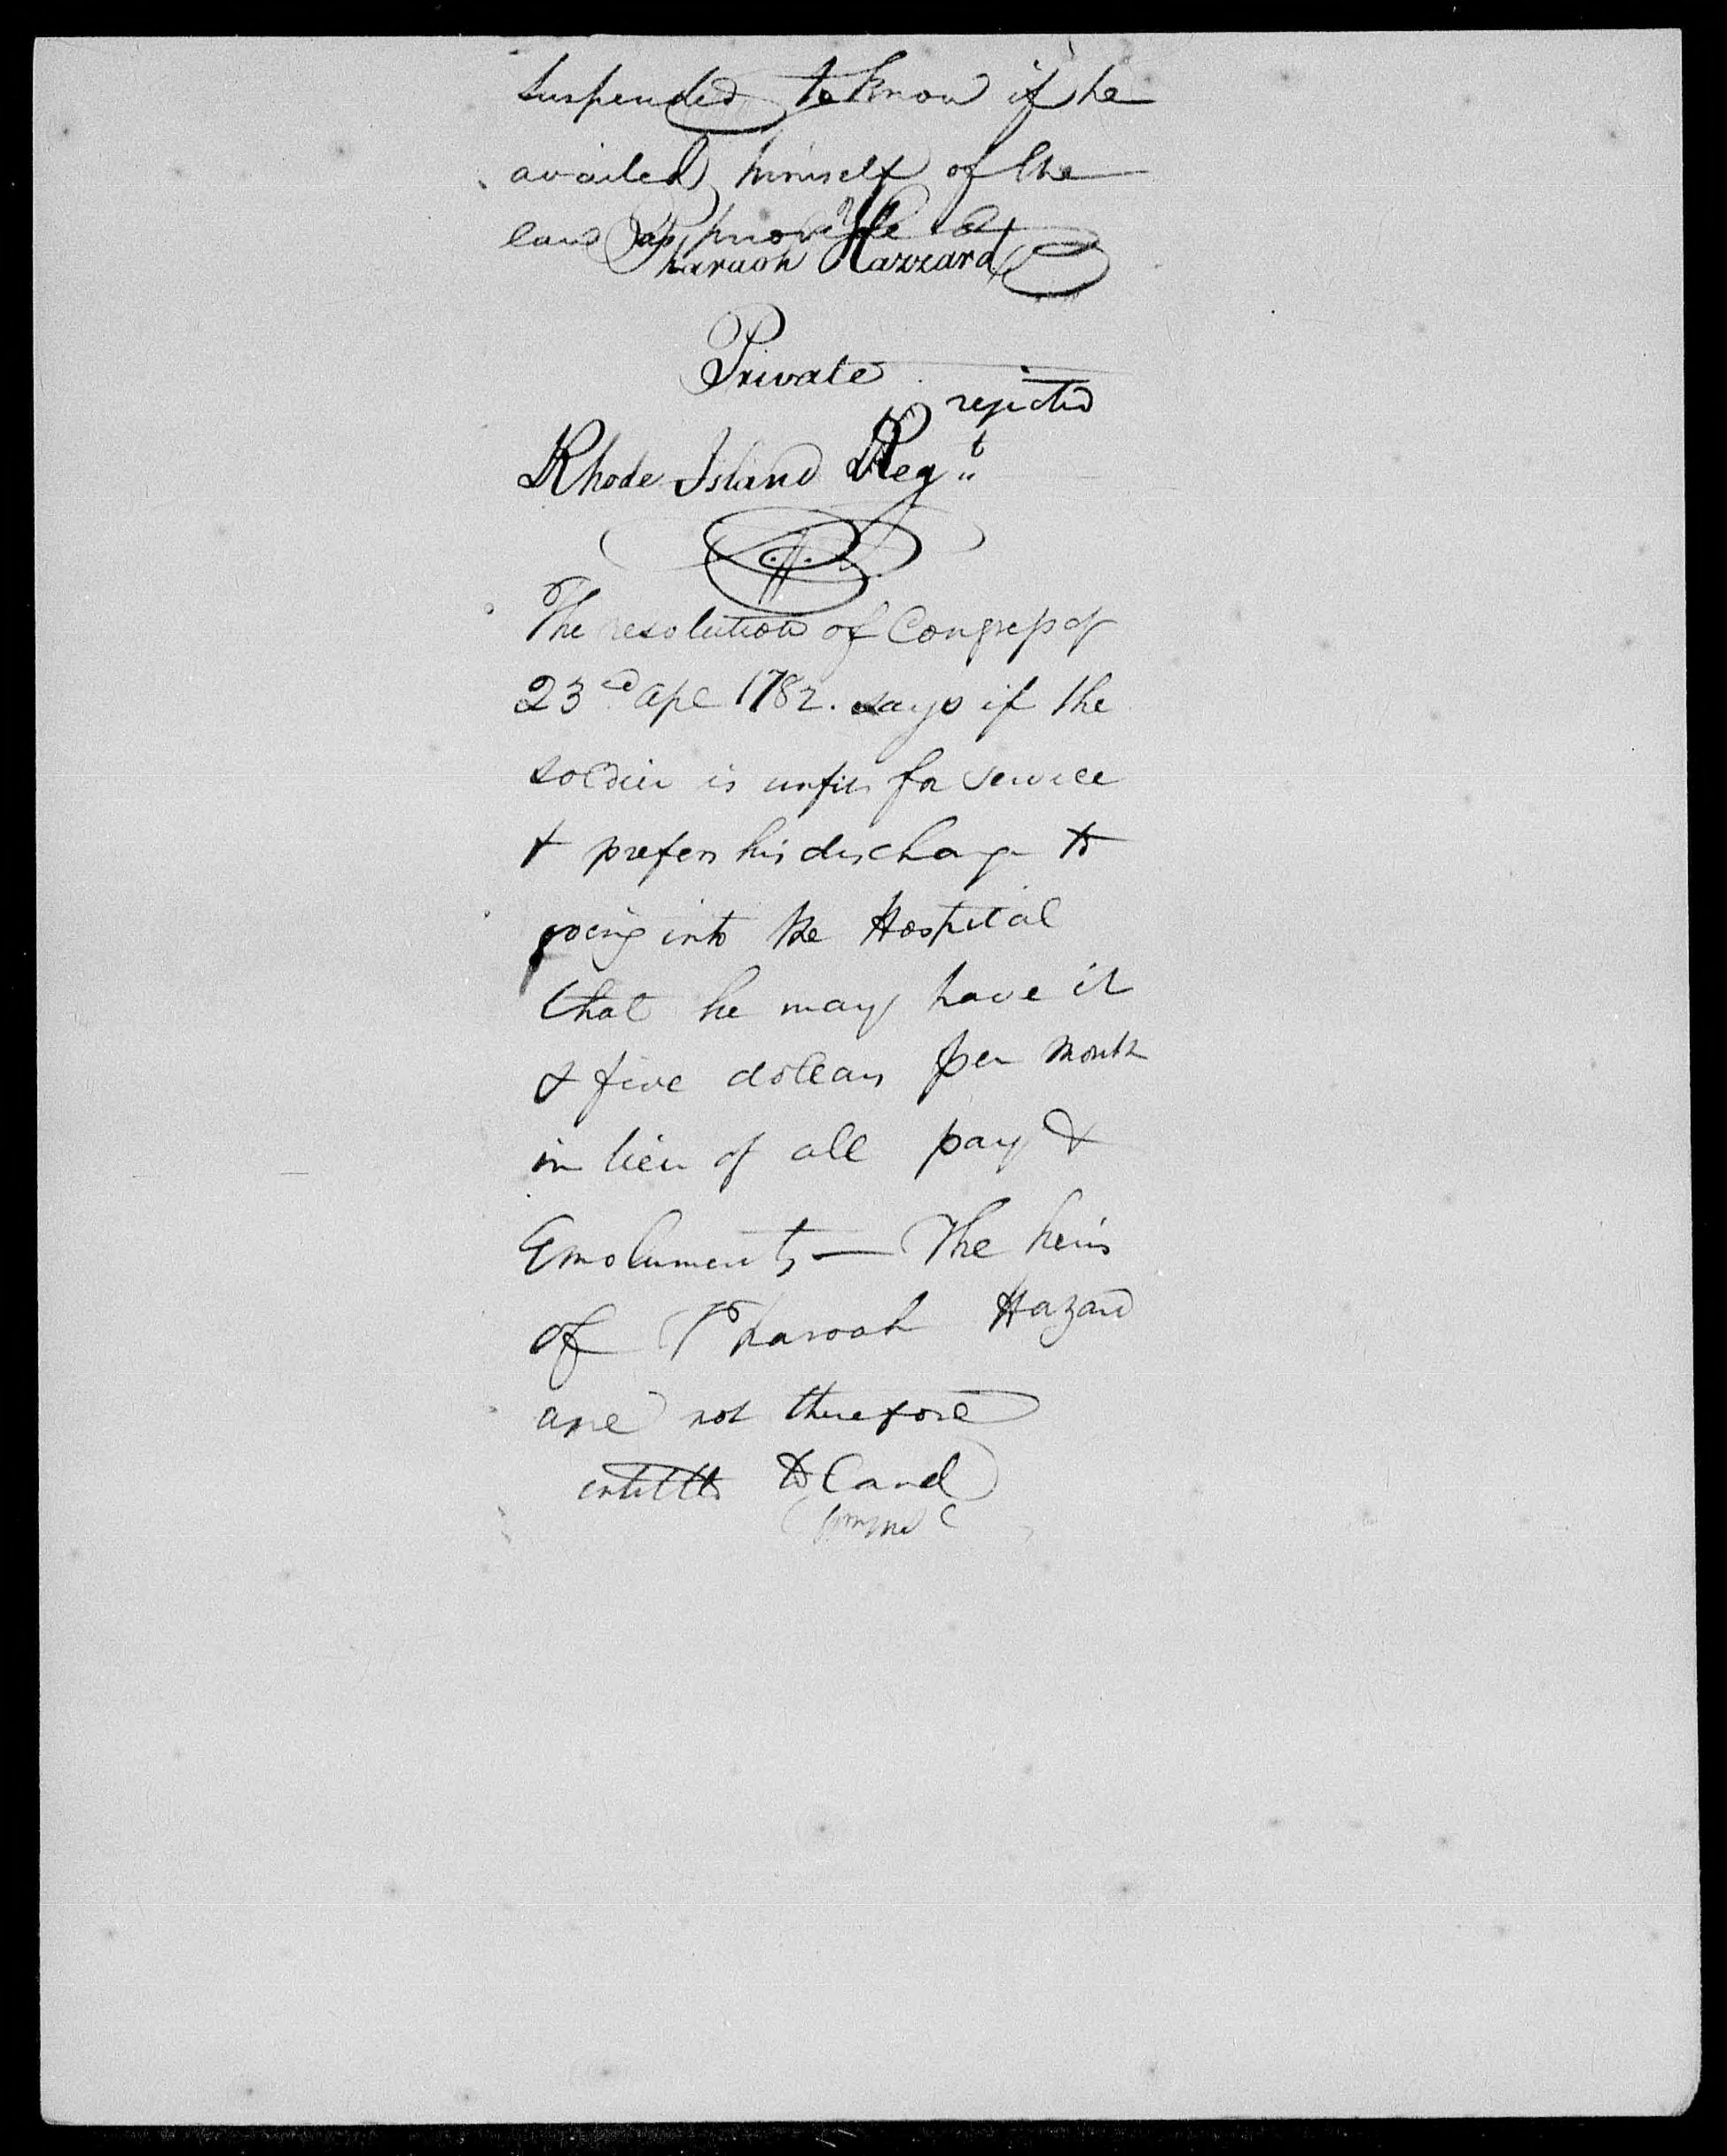Suspended to know if he availed himself of the law as proven [illegible] Pharaoh Hazzard

Private 
rejected
Rhode Island Regt. 

The resolution of Congress of 23d Ap'l 1782 says if the soldier is unfit for service & prefer his discharge to going into the hospital that he may have it & five dollars per month in lieu of all pay & emoluments - The heirs of Pharoah Hazard are not therefor entitled to land. 
  [illegible]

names: Pharoah Hazard, Pharaoh Hazzard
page: 2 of 7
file: Rej. B. L., Pharaoh Hazerd, R.I.